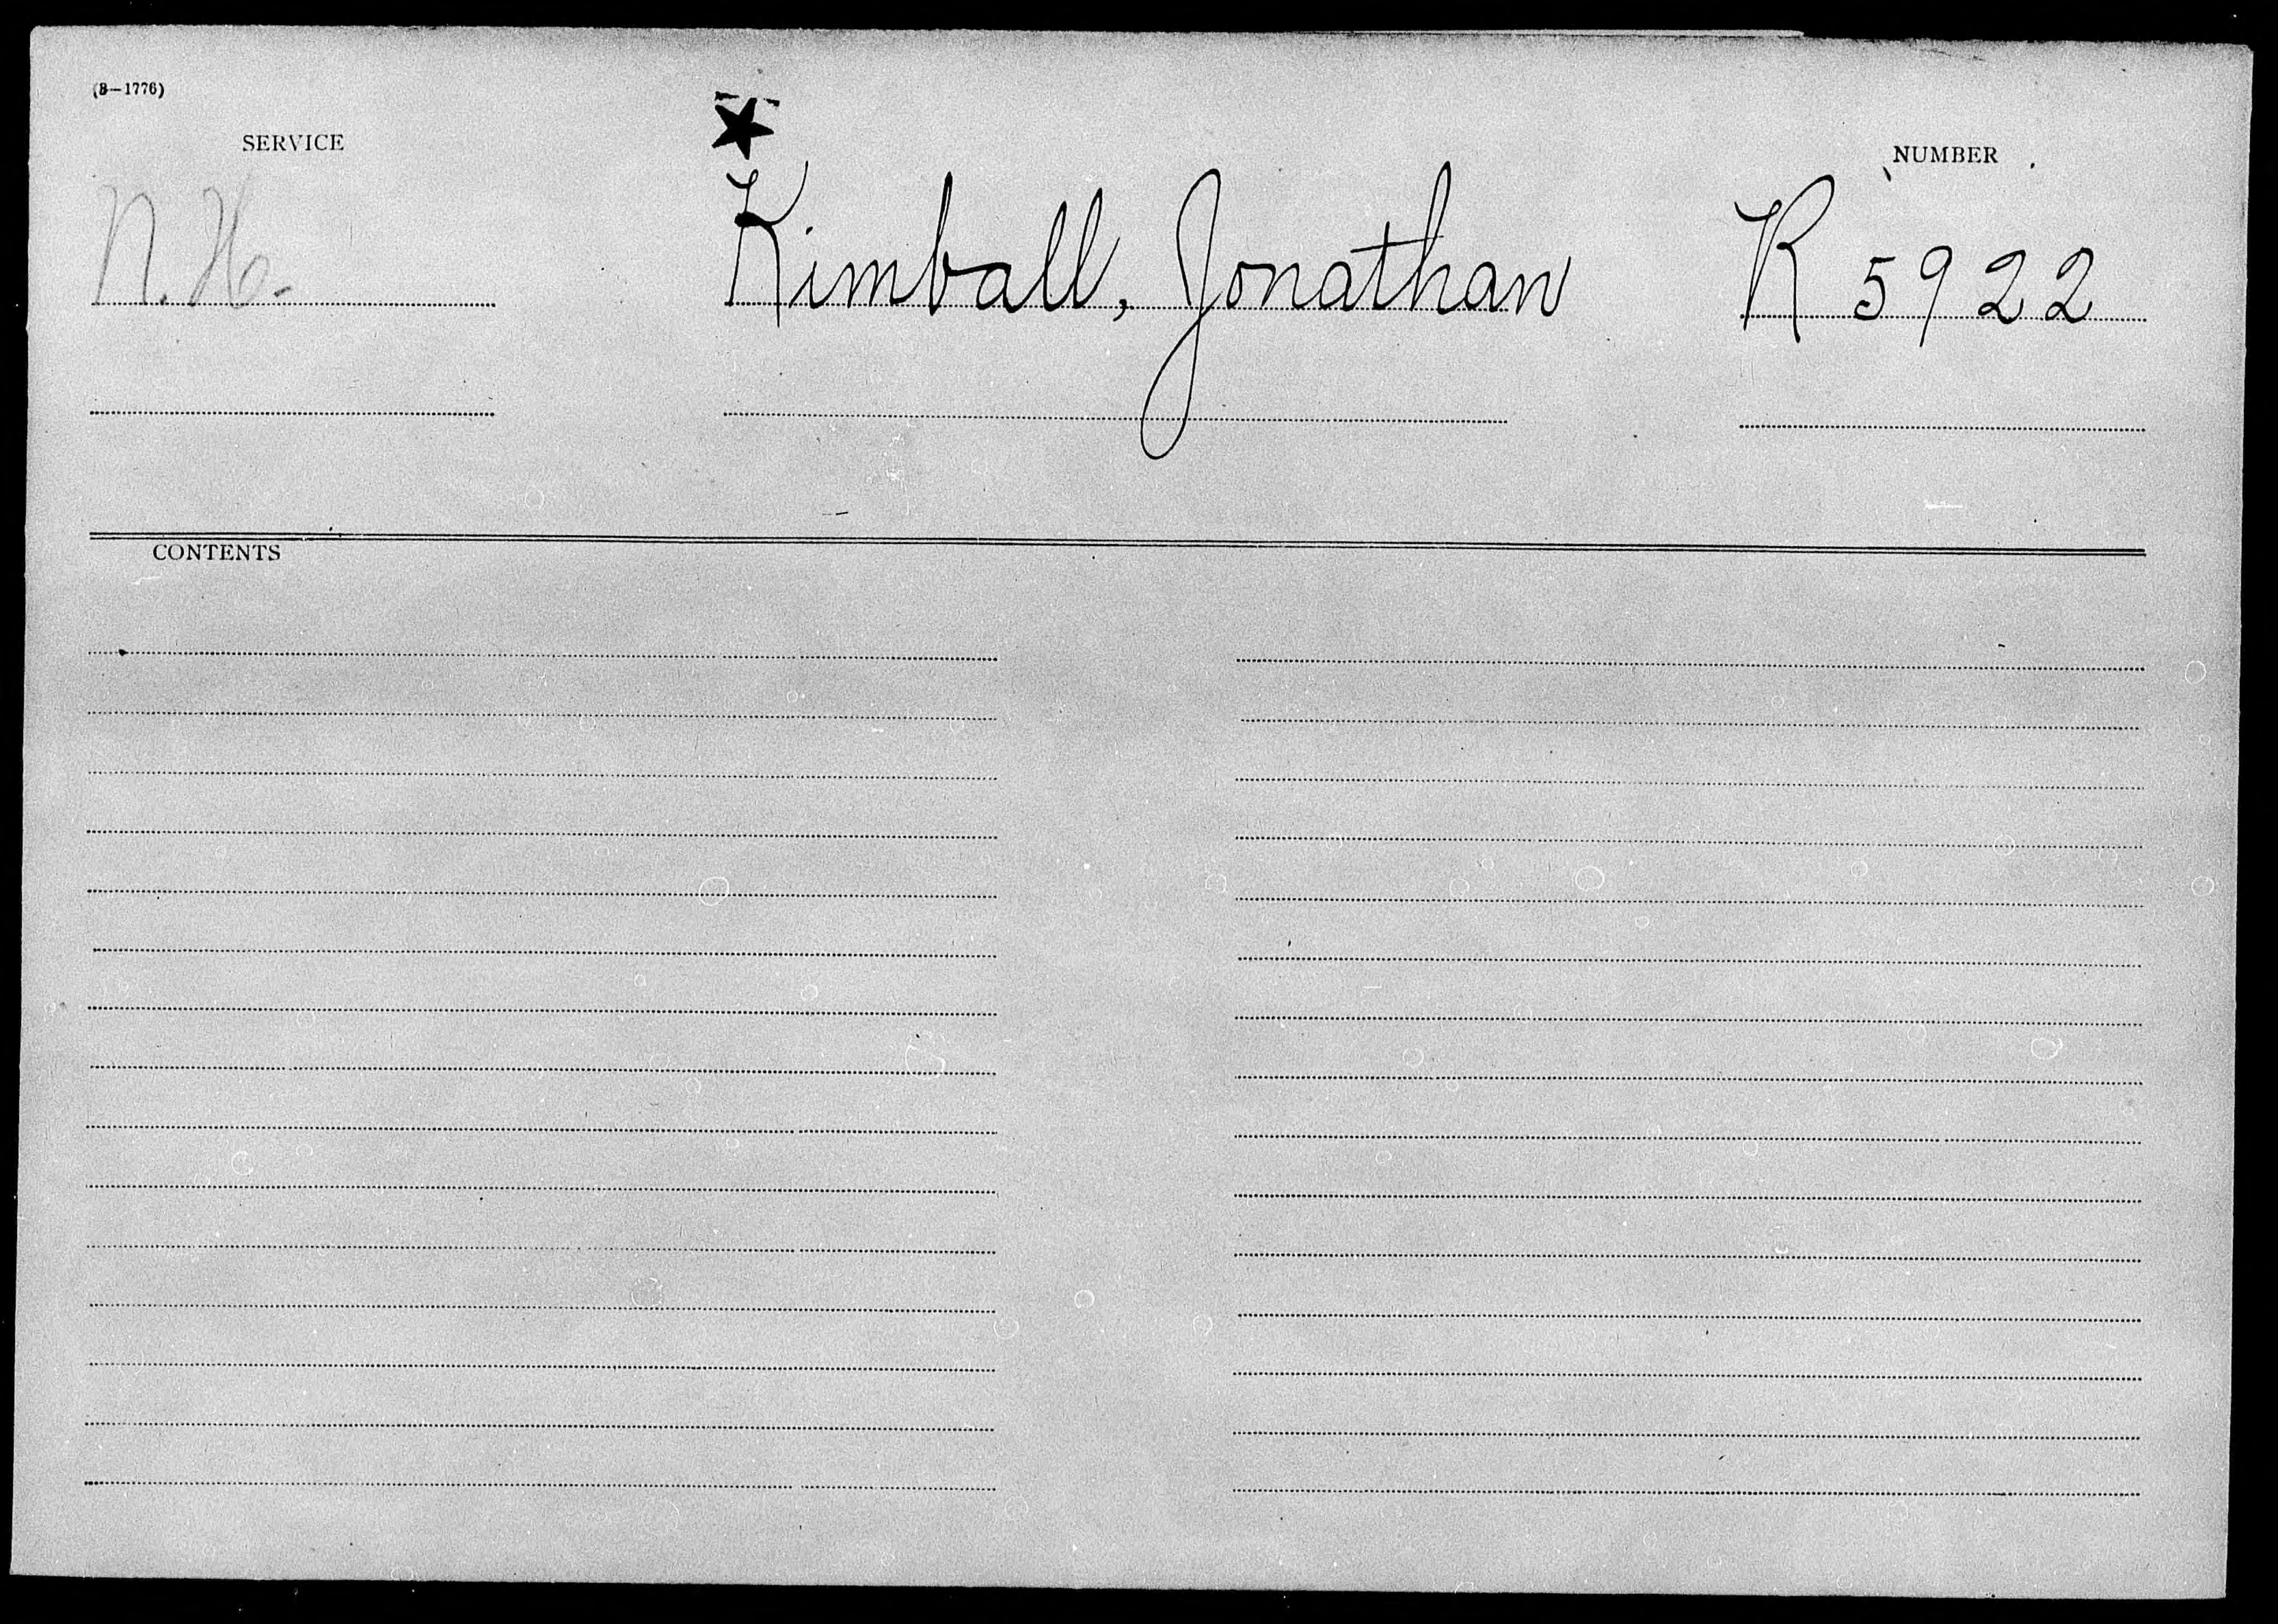(3 - 1776)
SERVICE
N. H
Kimball, Jonathan
NUMBER
R 5922

CONTENTS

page: 1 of 14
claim: rejected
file: R 5922, for Jonathan Kimball, New Hampshire